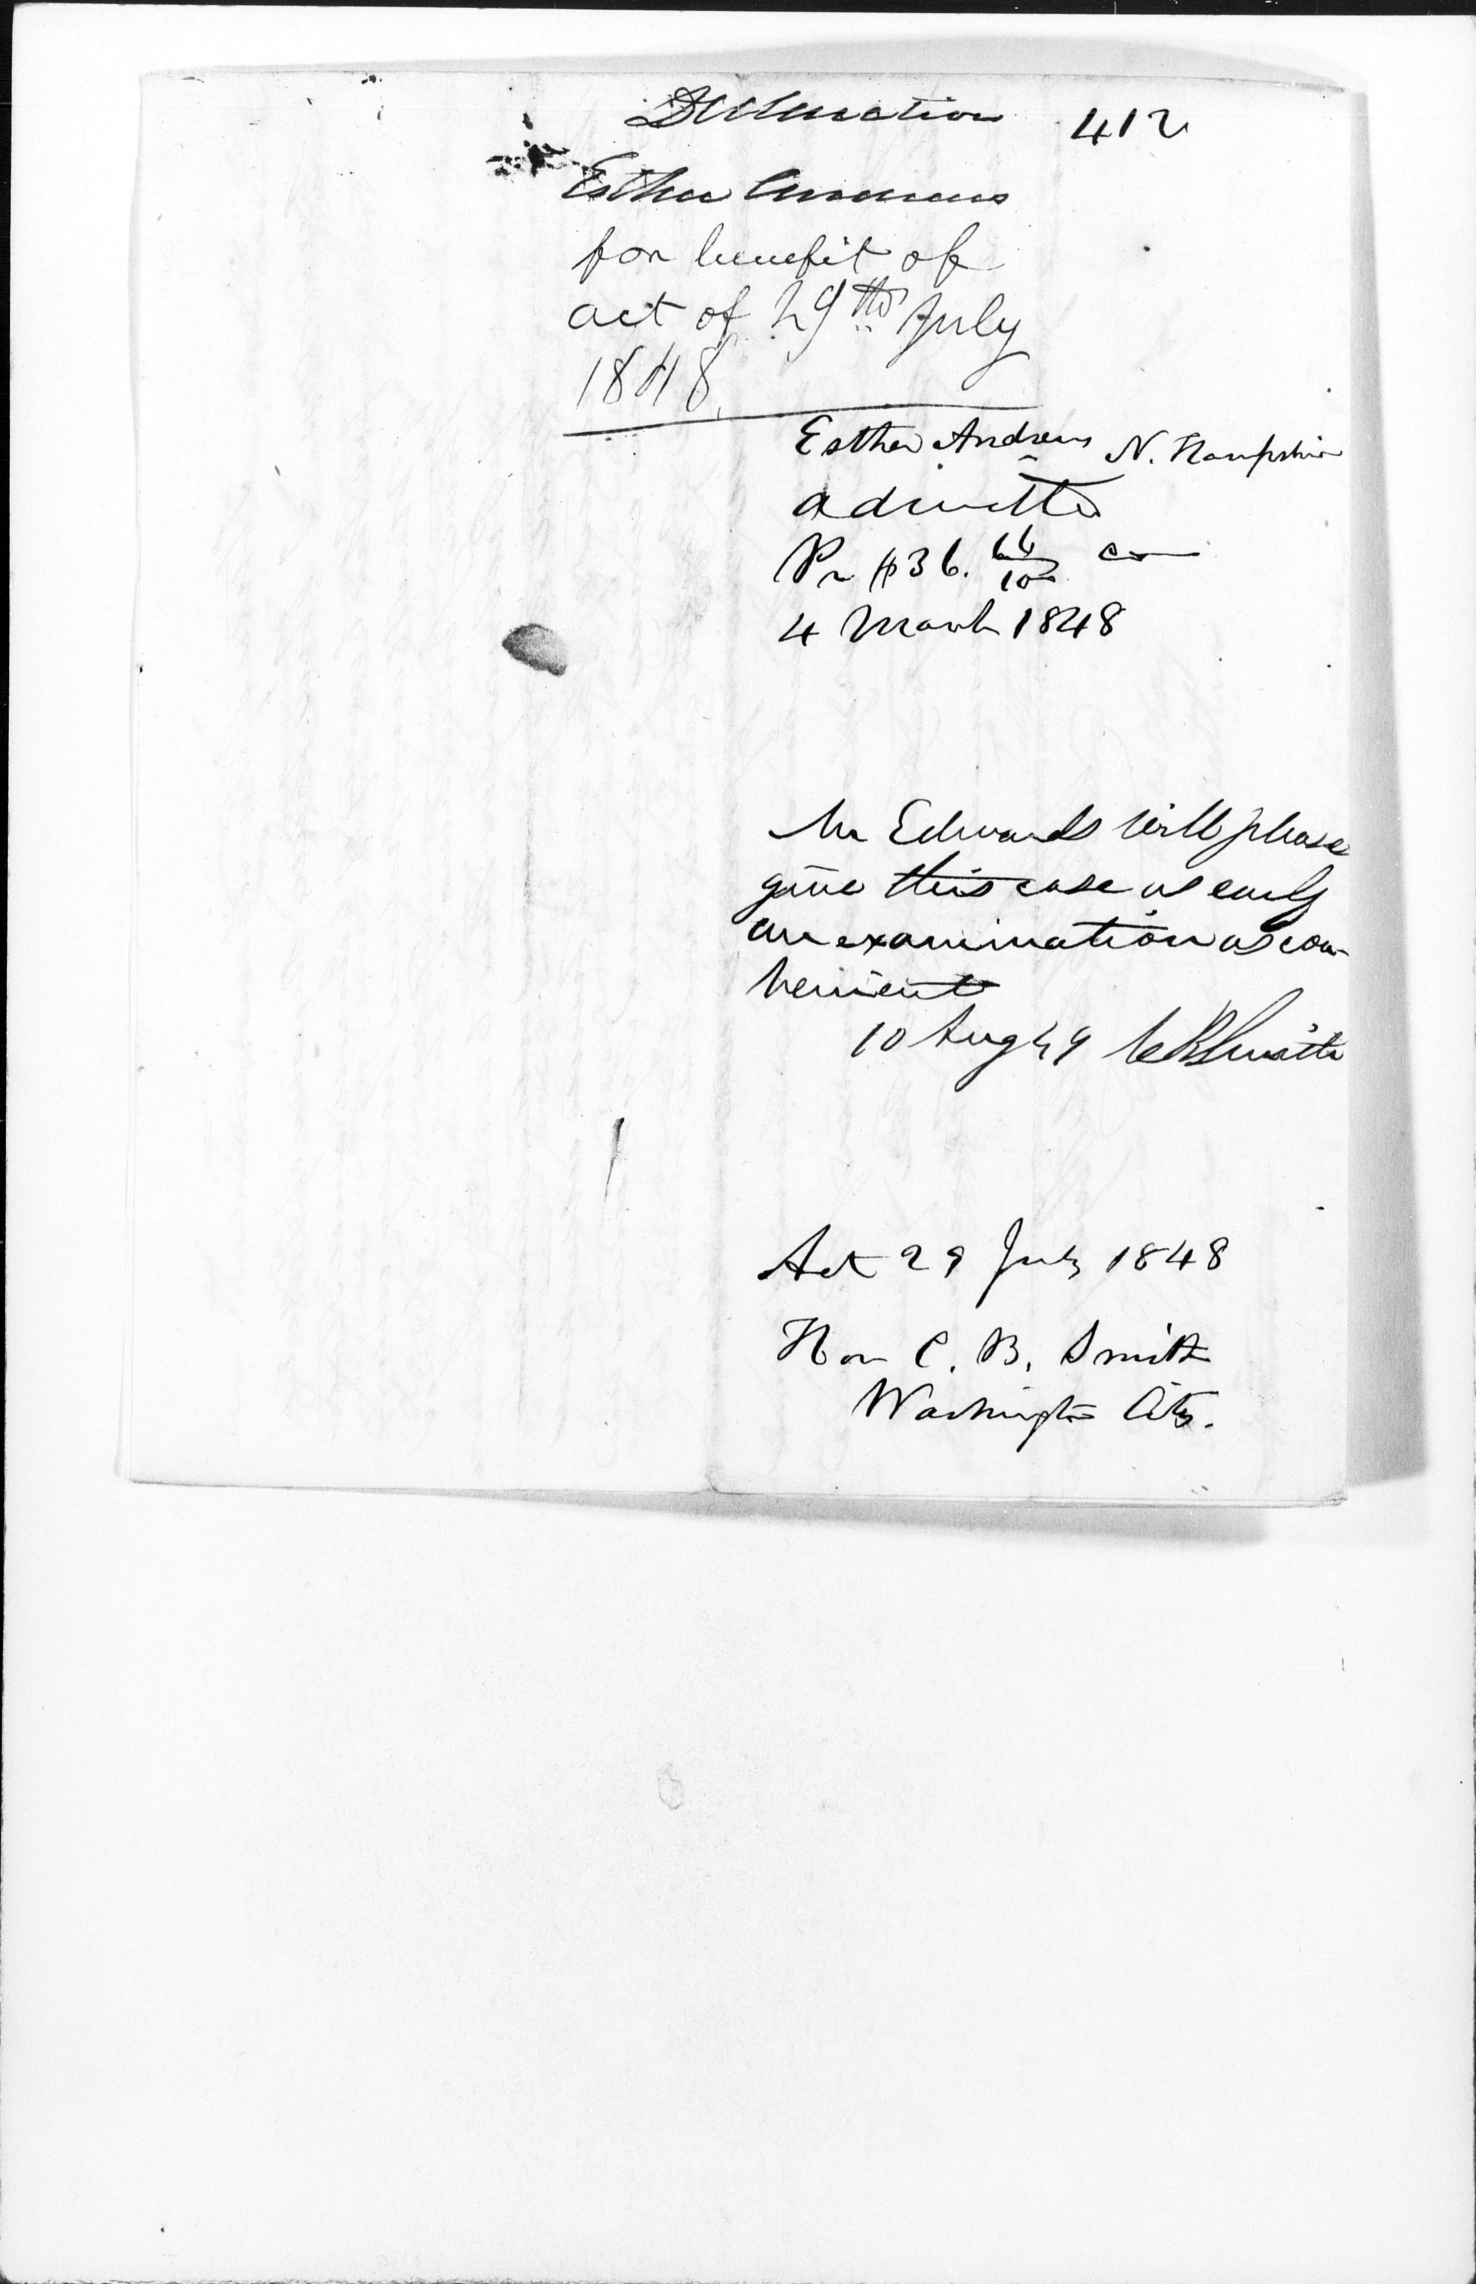Declaration                                 412

Esther Andrews

for the benefit of act of 29th July 1848

Ester Andrews, New Hampshire

admitted Pr $36. to 4 March 1848 

Mr Edwards will please give this case as early an examination as convenient.

10 Aug 49 [illegible] 

Act 29 July 1848 
Hon. C.B. Smith 
Washington, D.C.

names: Edwards, Esther Andrews, Esther Andreus, C B Smith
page: 9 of 23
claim: widow's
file: W. 1693, John Andrews, Mass.